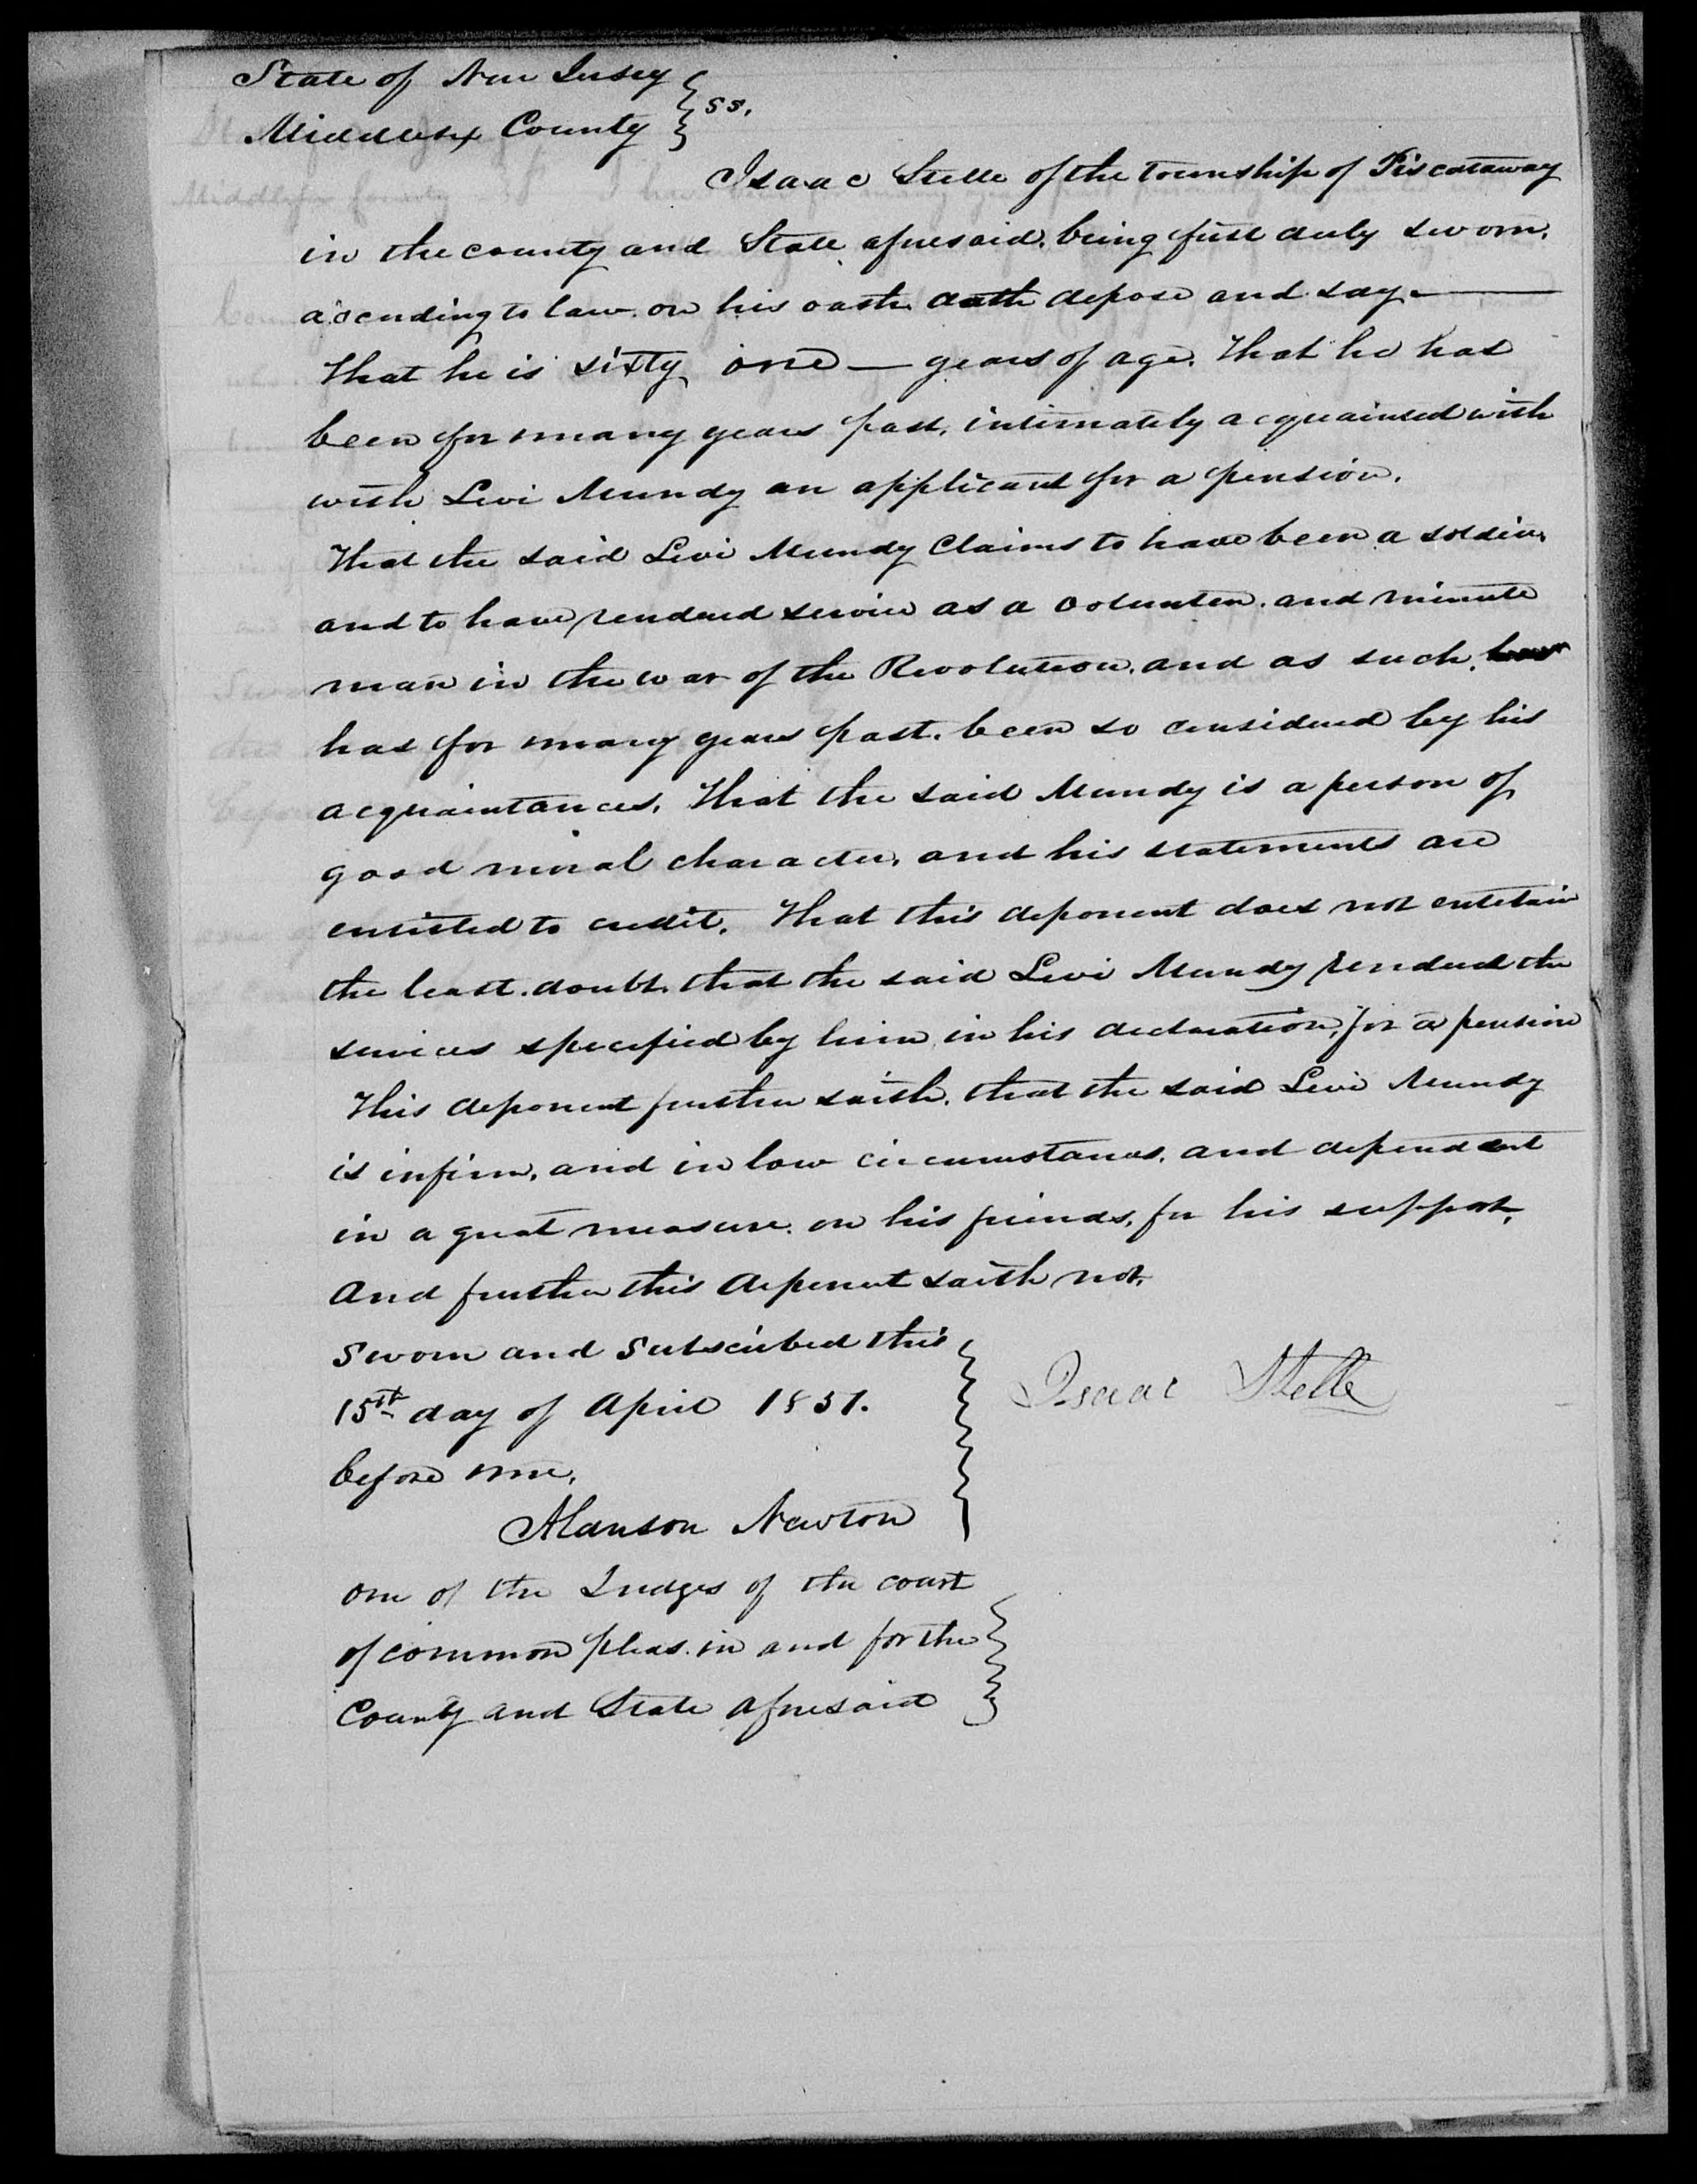State of New Jersey
Middlesex County//

Isaac Stelle of the Township of Piscataway in the County and State aforesaid, being first duly sworn according to law on his oath [duplicate: oath] depose and say that he is Sixty one years of age. That he has been for many years past, intimately acquainted with [duplicate: with] Levi Mundy, an applicant for a pension.

That the said Levi Mundy claims to have been a soldier and to have rendered service as a volunteer and Minuteman in the War of the Revolution, and as such
[crossed out: has] has for many years past been so considered by his acquaintances. That the said Mundy is a person of good moral character and his statements are entitled to credit. That this deponent does not entertain the least doubt that the said Levi Mandy rendered the services specified by him in his declaration for a pension. This deponent further saith that the said Levi Mundy is infirm and in low circumstances and dependent in a great measure on his friends, for his support, and further this deponent saith not.
s/ Isaac Stelle

Sworn and subscribed this 15th day of April 1857 before me.
s/ Alanson Newton, one of the Judges of the Court of Common Pleas in and for the County and State aforesaid.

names: Levi Mundy; Isaac Stelle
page: 9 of 95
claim: survivor's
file: S 2889, for Levi Mundy, New Jersey